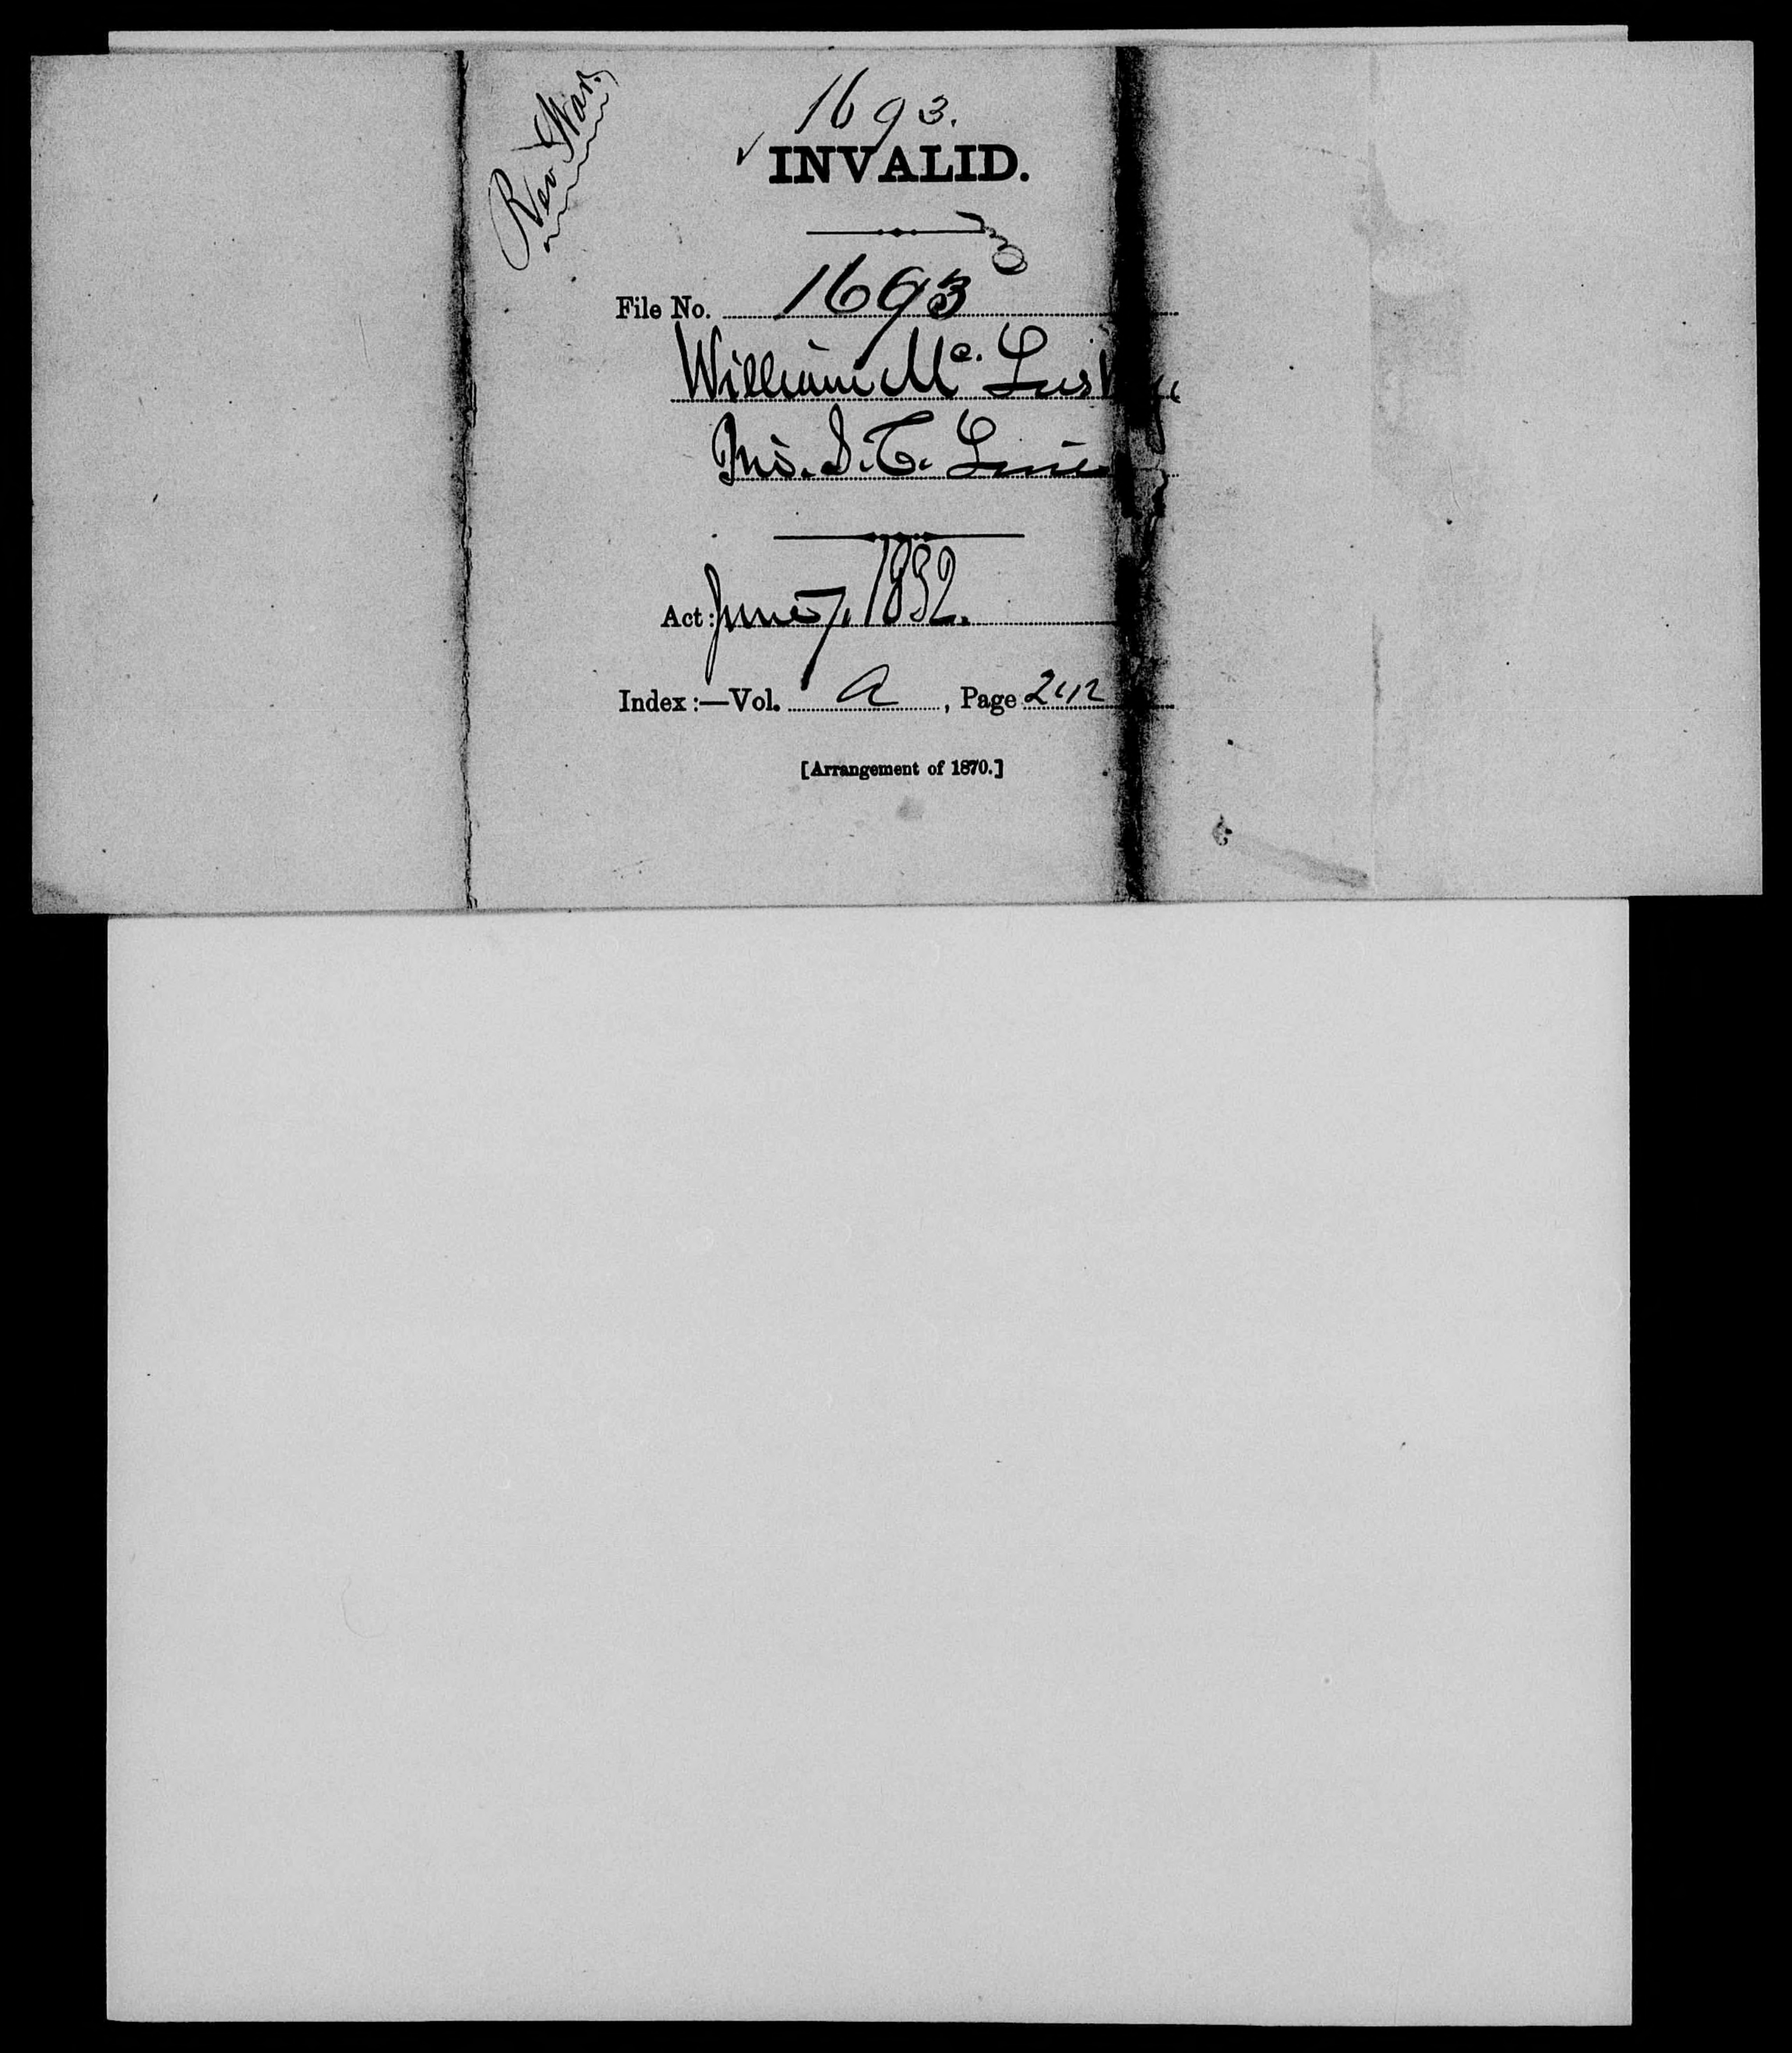Rev War
1693

INVALID
——————————
File No. 1693 . 
William McLus(ky) 

J. C. Lee 

[*] mo S.C. Line

Act June 7, 1832. 

Index: -- Vol. A, Page 242 

[Arrangement of 1870.]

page: 11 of 14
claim: survivor's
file: S. 1693, for William Mc Lusky, South Carolina